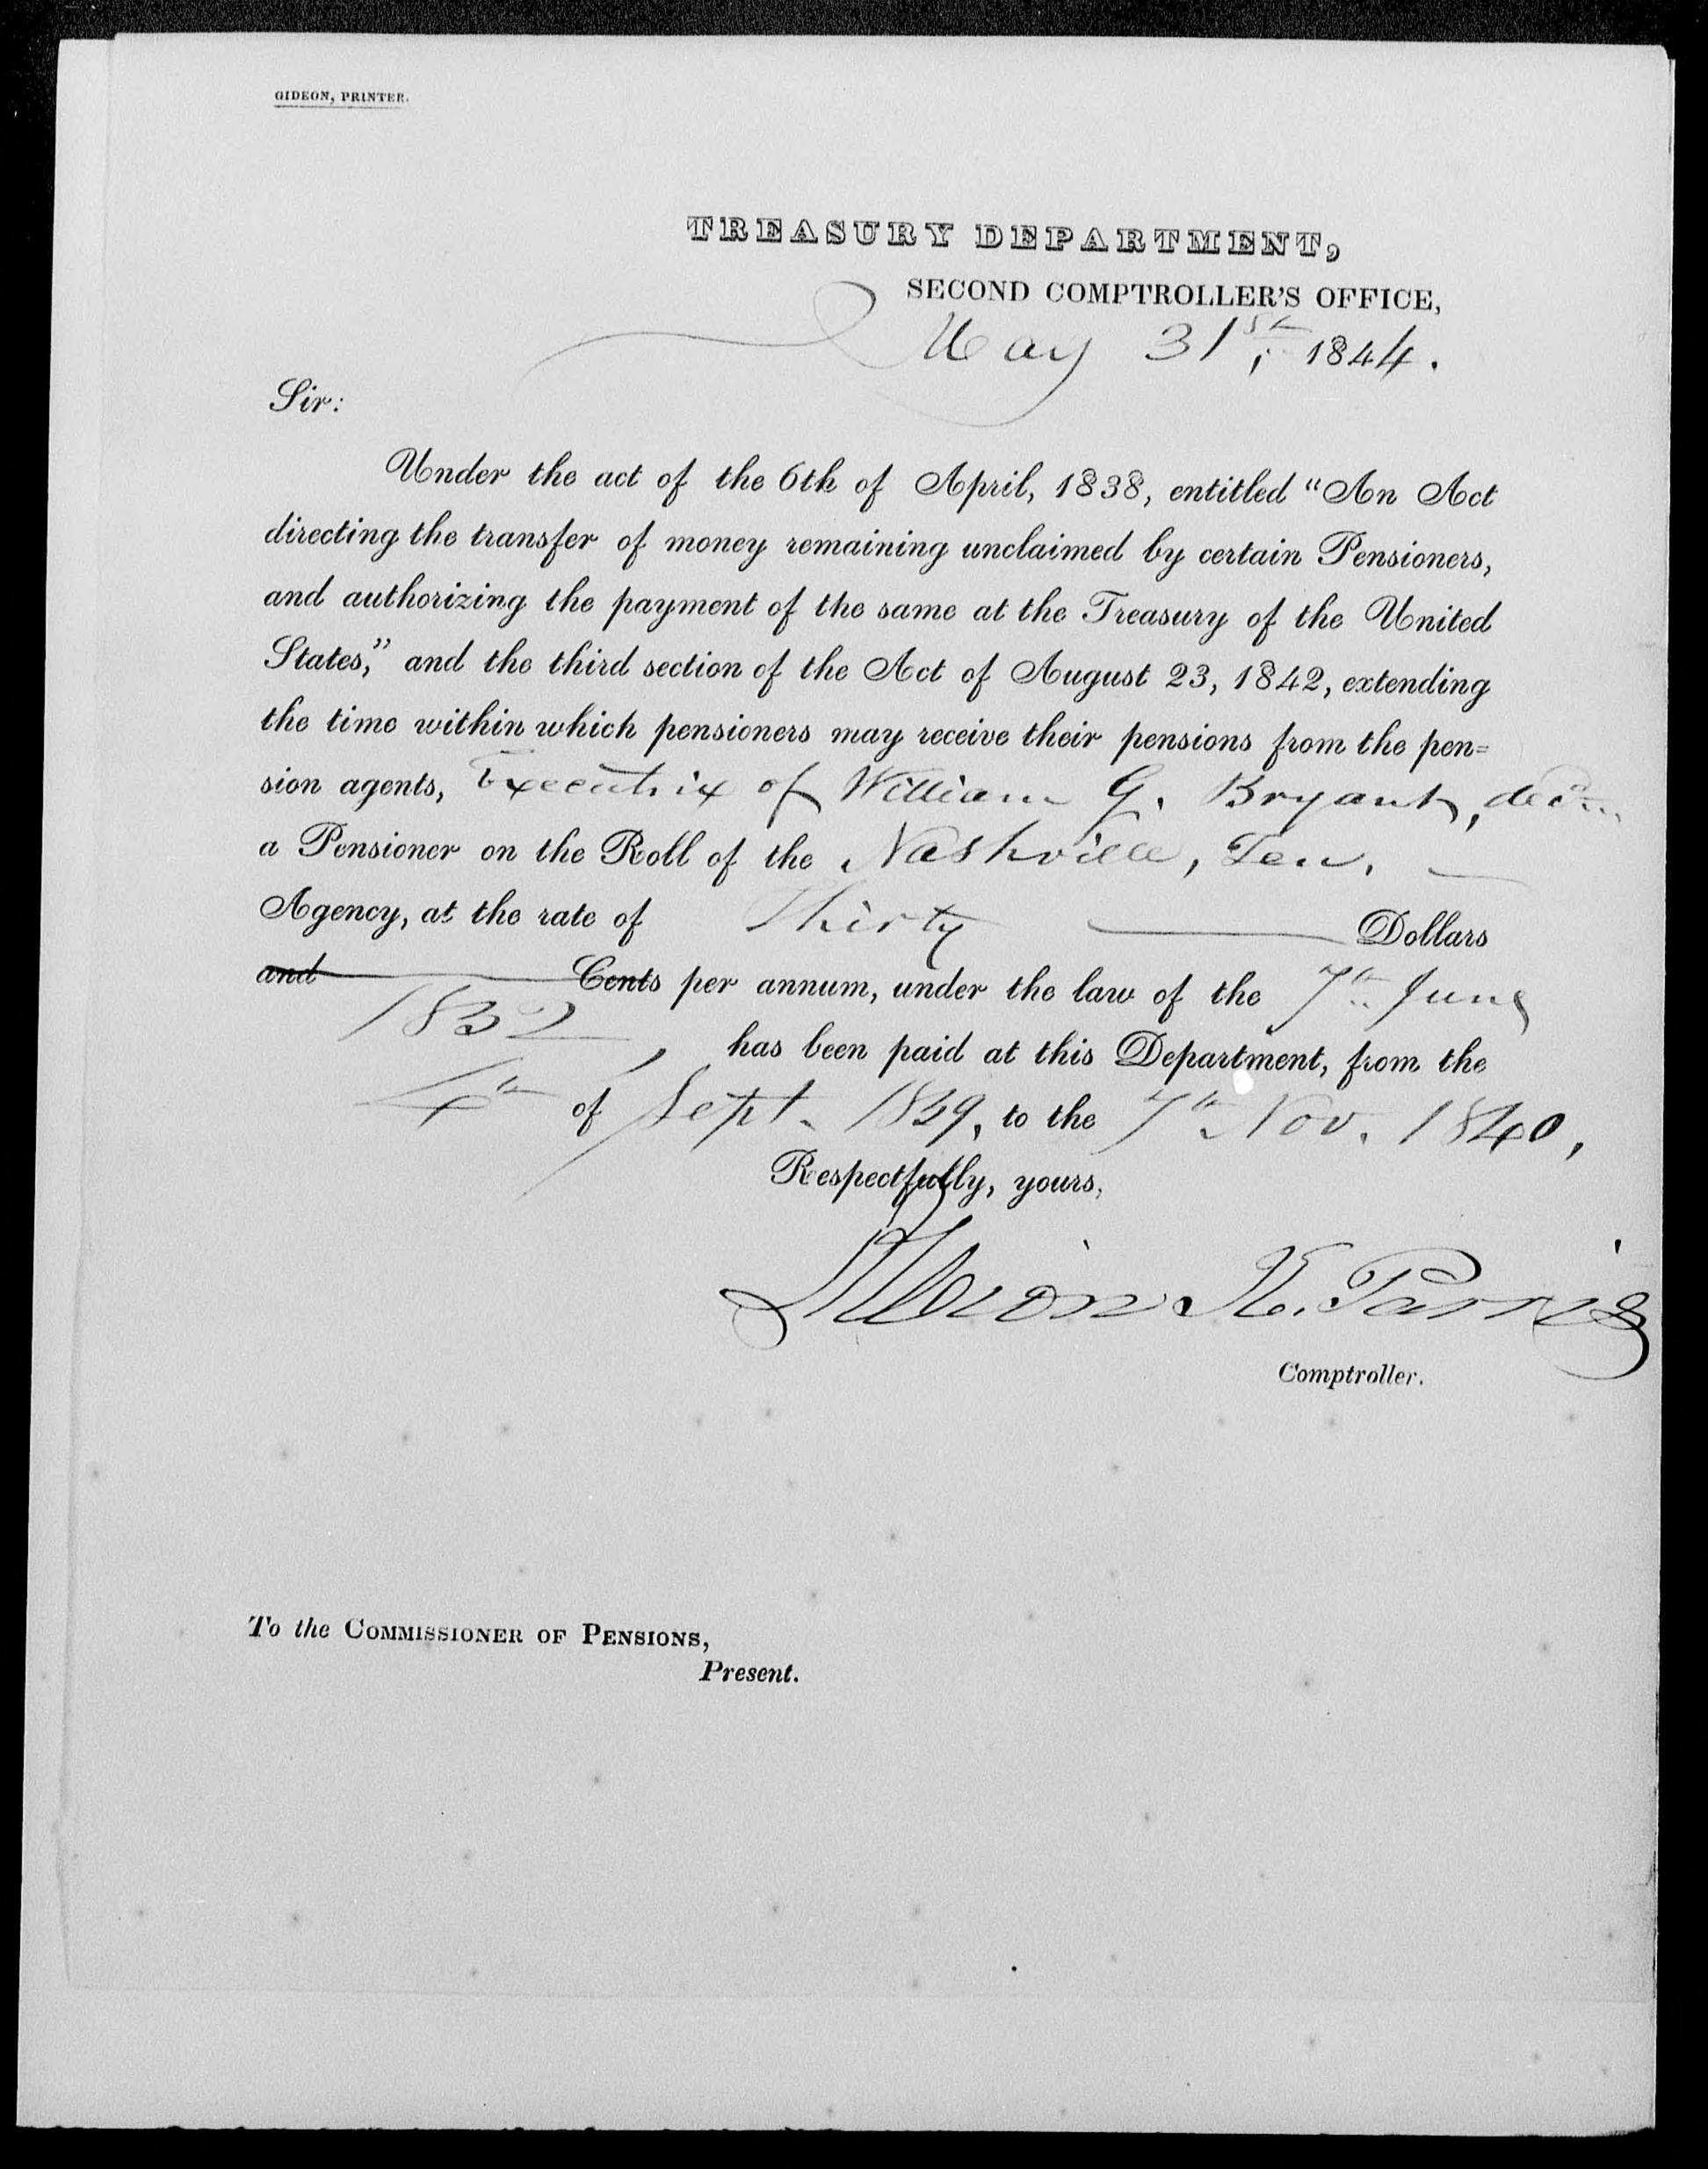TREASURY DEPARTMENT,
Second Comptroller's Office,
May 31st, 1844

Sir:
Under the act of the 6th of April, 1838, entitled "An act directing the transfer of money remaining unclaimed by certain Pensioners, and authorizing the payment of the same at the Treasury of the United States," and the third section of the Act of August 23, 1842, extending the time within which pensioners may receive their pensions from the pension agents, Executrix of William G. Bryant, dec'd a Pensioner on the Roll of the Nashville, Ten. Agency, at the rate of Thirty Dollars and - Cents per annum, under the law of the 7th June 1832, has been paid at this Department, from the 4th of Sept. 1839 to the 7th Nov. 1840
Respectfully yours,
Albion K. Parris
Comptroller

To the Commissioner of Pensions,
Present.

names: Albion K Parris, William G Bryant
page: 26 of 31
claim: survivor's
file: S. 3049, William G Bryant, Va.